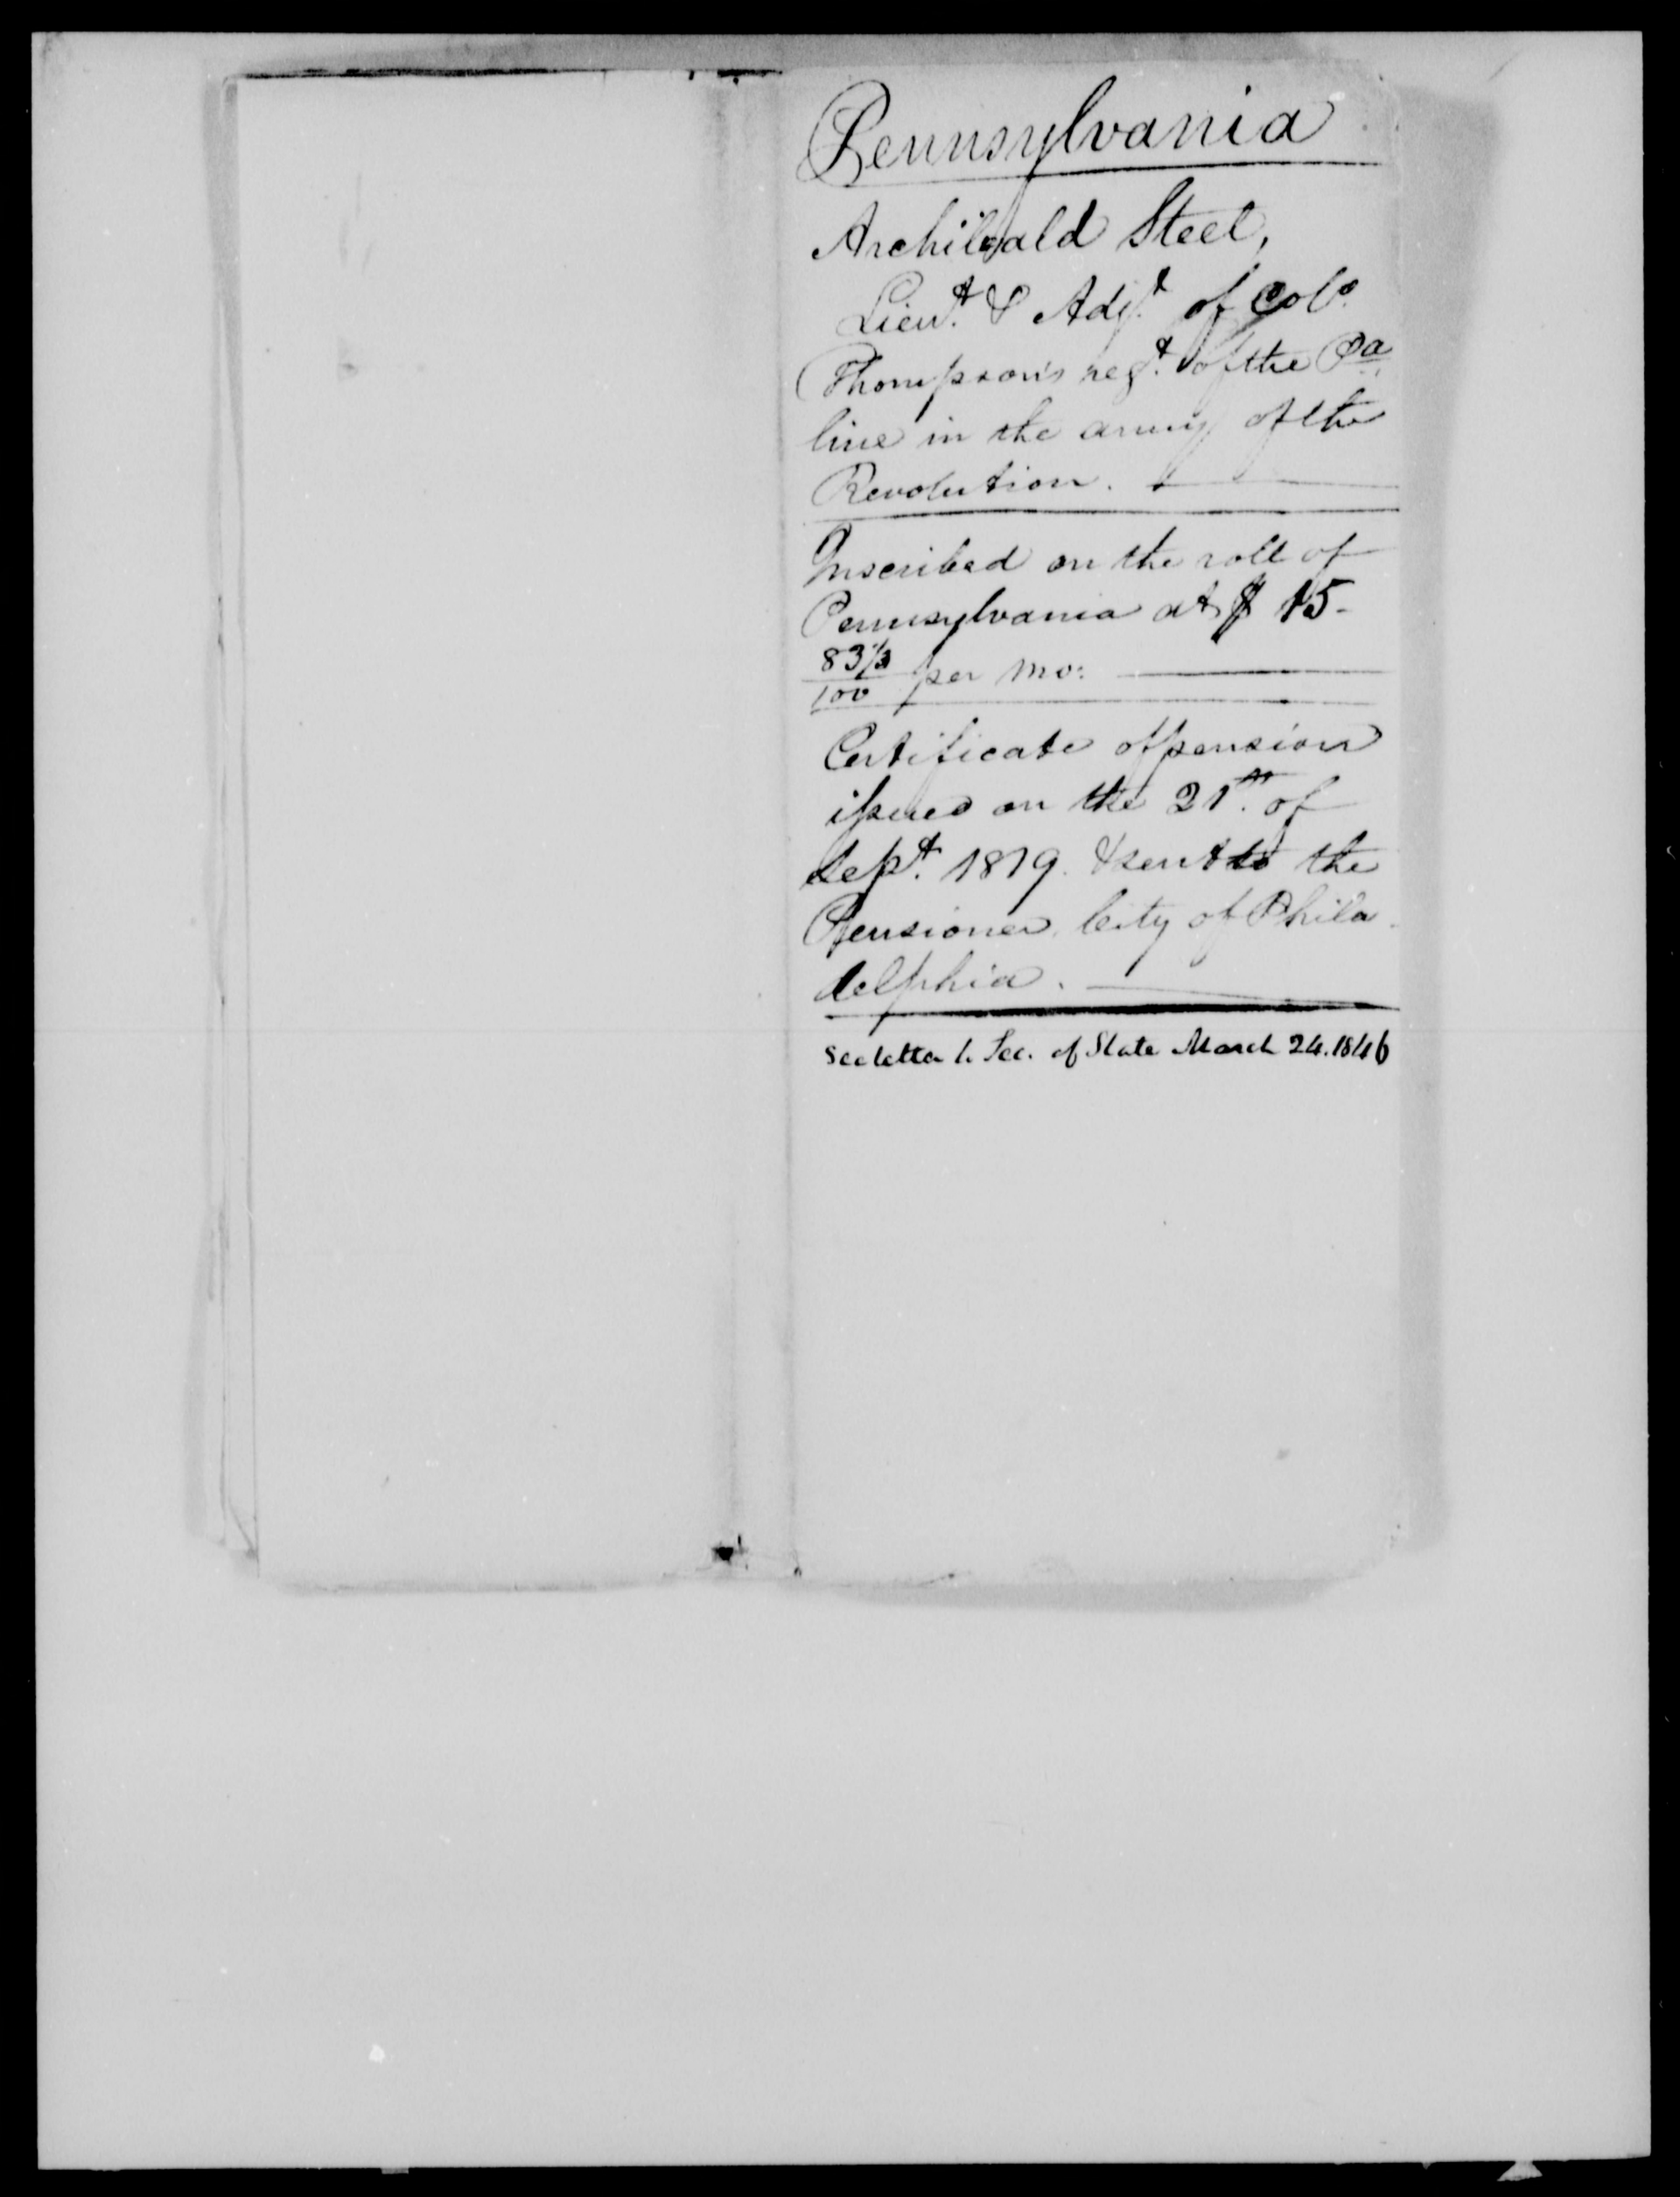Pennsylvania

Archibald Steel

Lieutenant and Adj of Col Thompson's regiment of the Pennsylvania Line in the army of the Revolution.

Inscribed on the foll of Pennsylvania at $15.83 per month

Certificate of pension expired on the 21st of September 1879 and sent to the Pensioner, City of Philadelphia

See letter to Secretary of  State, March 24, 1846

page: 12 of 28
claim: survivor's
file: S. 7601, for Archibald Steel, Pennsylvania